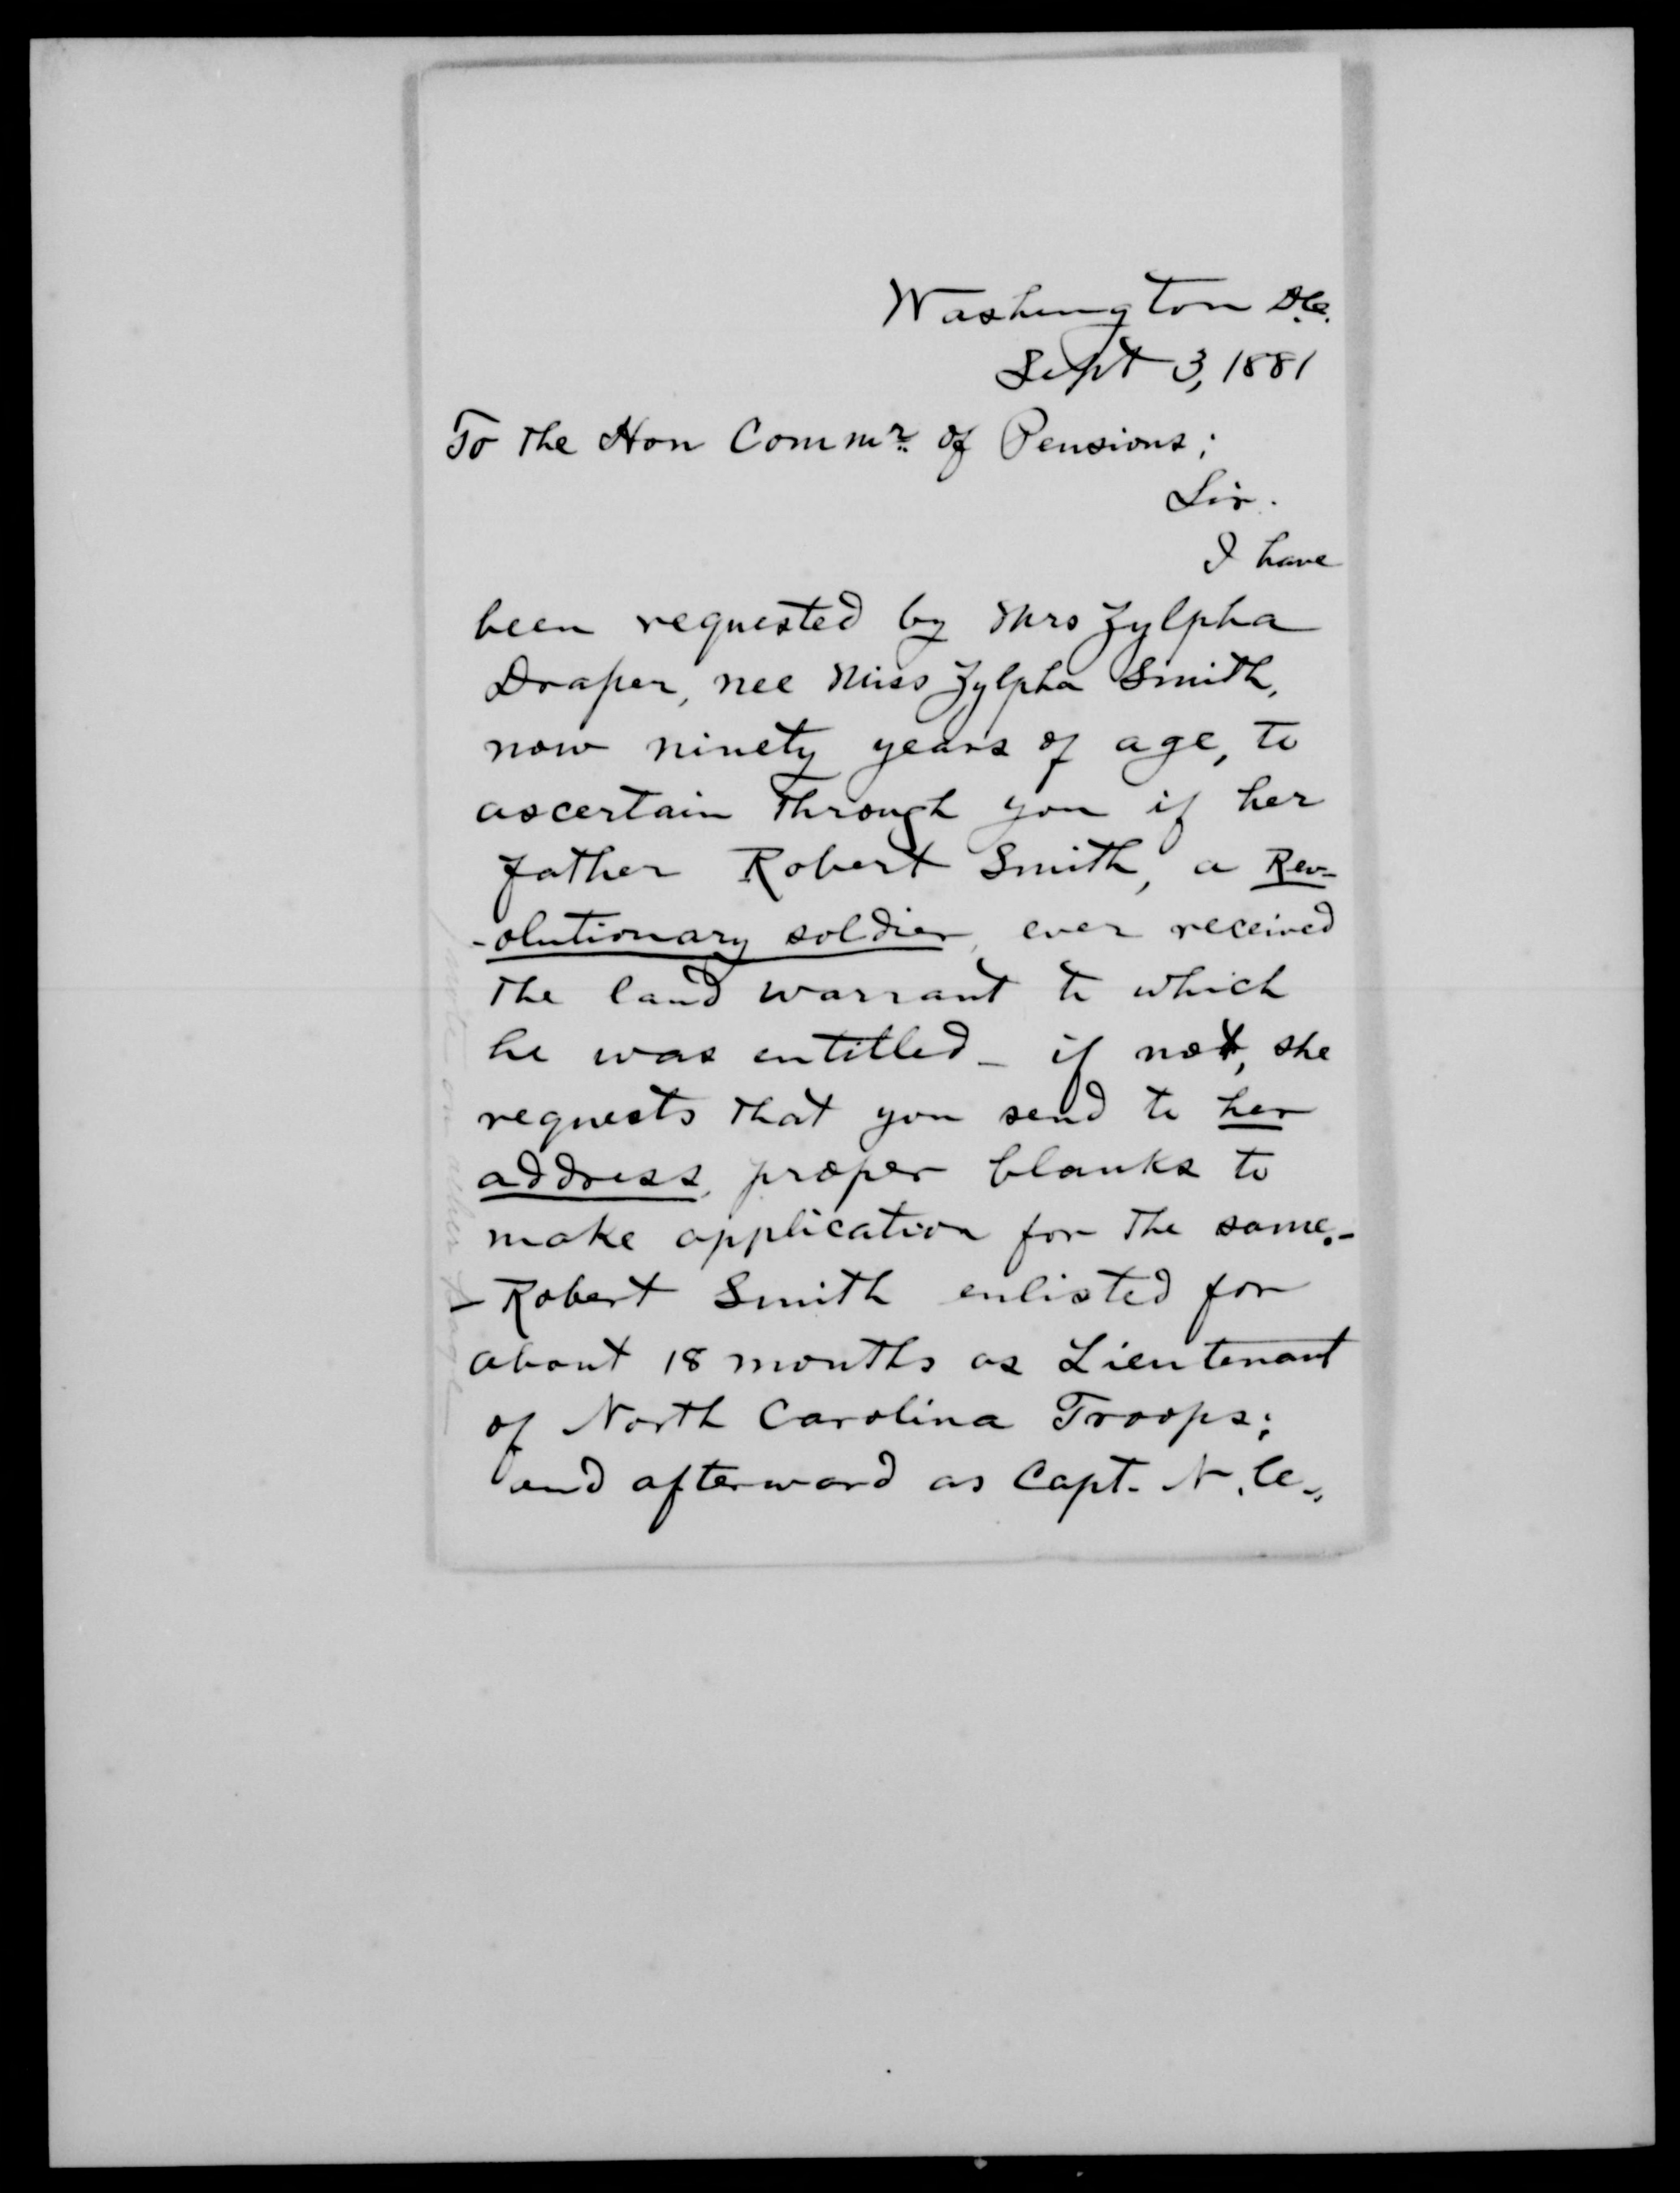Washington D.C.
Sept 3, 1881
To the Hon Commr of Pensions
Sir
I have
been requested by Mrs Zylpha
Draper, nee Miss Zylpha Smith,
now ninety years of age, to
ascertain through you if her
father Robert Smith, a Revolutionary soldier, ever received
the land warrant to which
he was entitled. if not, she
requests that you send to her
address proper blanks to
make application for the same.-
Robert Smith enlisted for
about 18 months as Lieutenant
of North Carolina Troops;
and afterward as Capt. N.C.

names: Robert Smith; Zylpha Draper; Zylpha Smith; Robert Smith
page: 58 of 79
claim: widow's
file: W. 1504, for Robert Smith, North Carolina